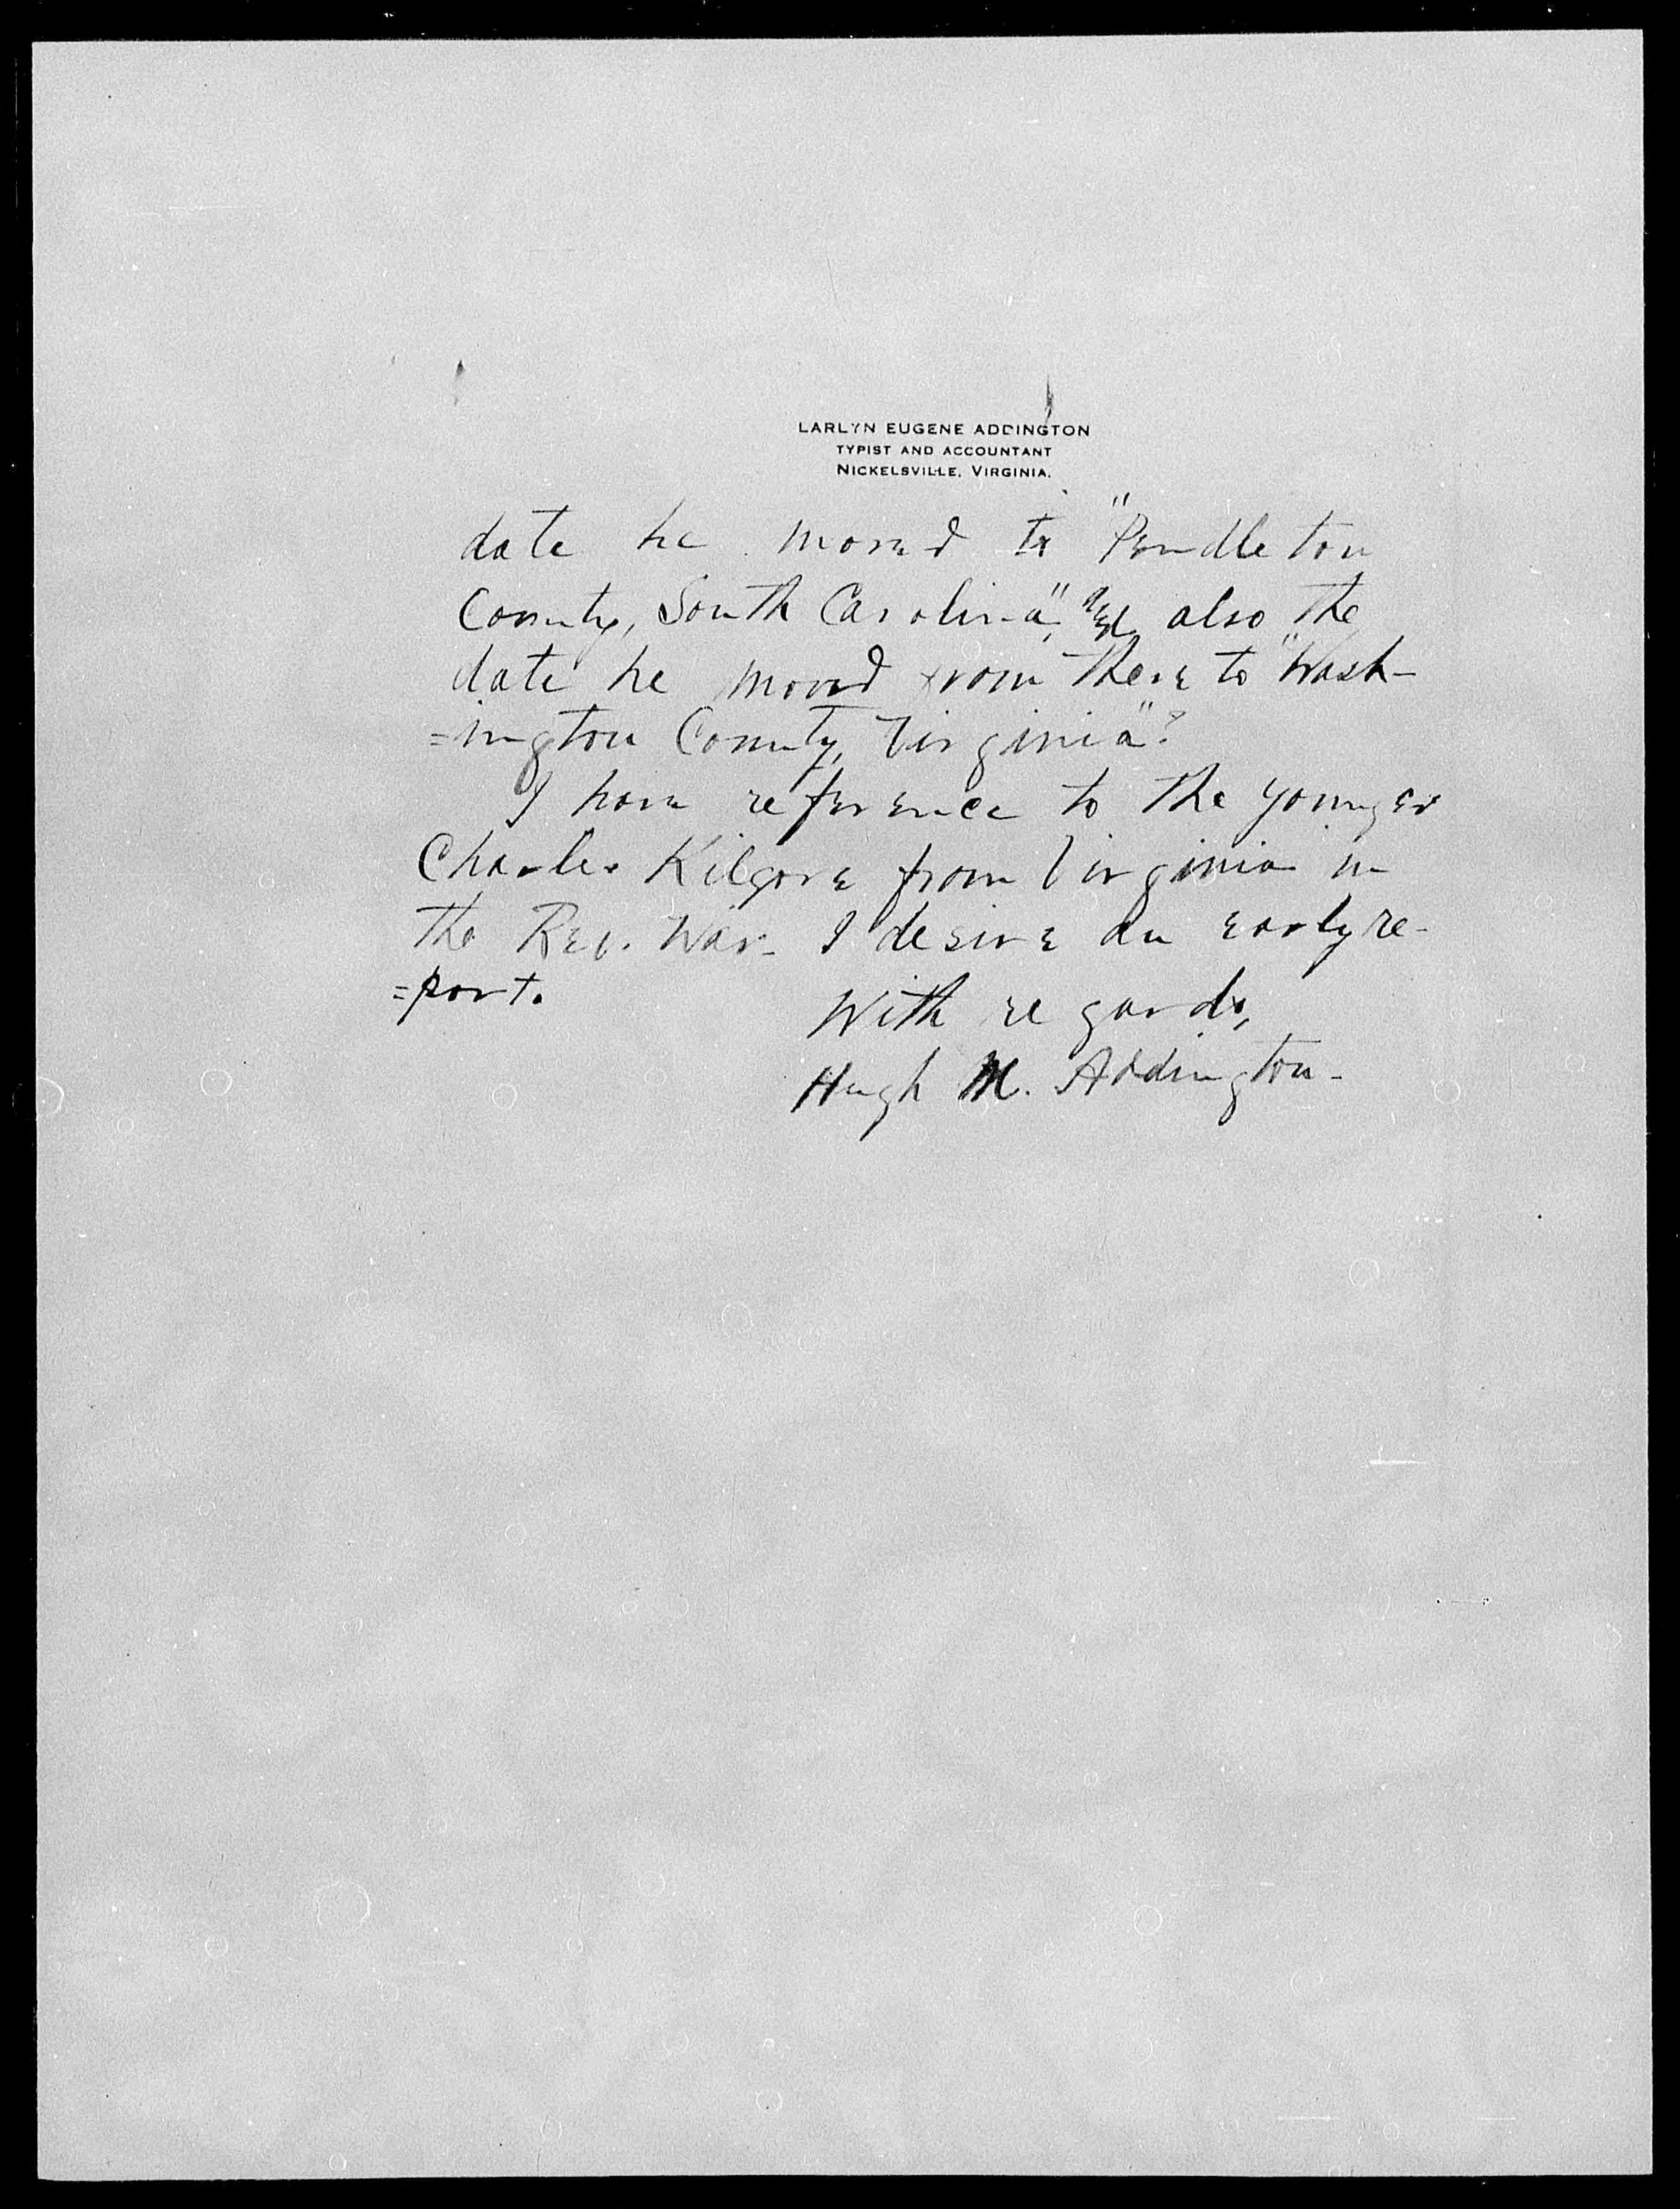LARLYN EUGENE ADDINGTON
TYPIST AND ACCOUNTANT
NICKELSVILLE, VIRGINIA.

date he moved to "Pendleton County, South Carolina", and also the date he moved from there to "Washington County, Virginia"?
I have reference to the younger Charles Kilgore from Virginia in the Rev. War. I desire an early report.
With regards,
Hugh M. Addington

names: Hugh M Addington; Larlyn Eugene Addington; Charles Kilgore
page: 80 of 115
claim: survivor's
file: S. 699, for Charles Kilgore, Virginia